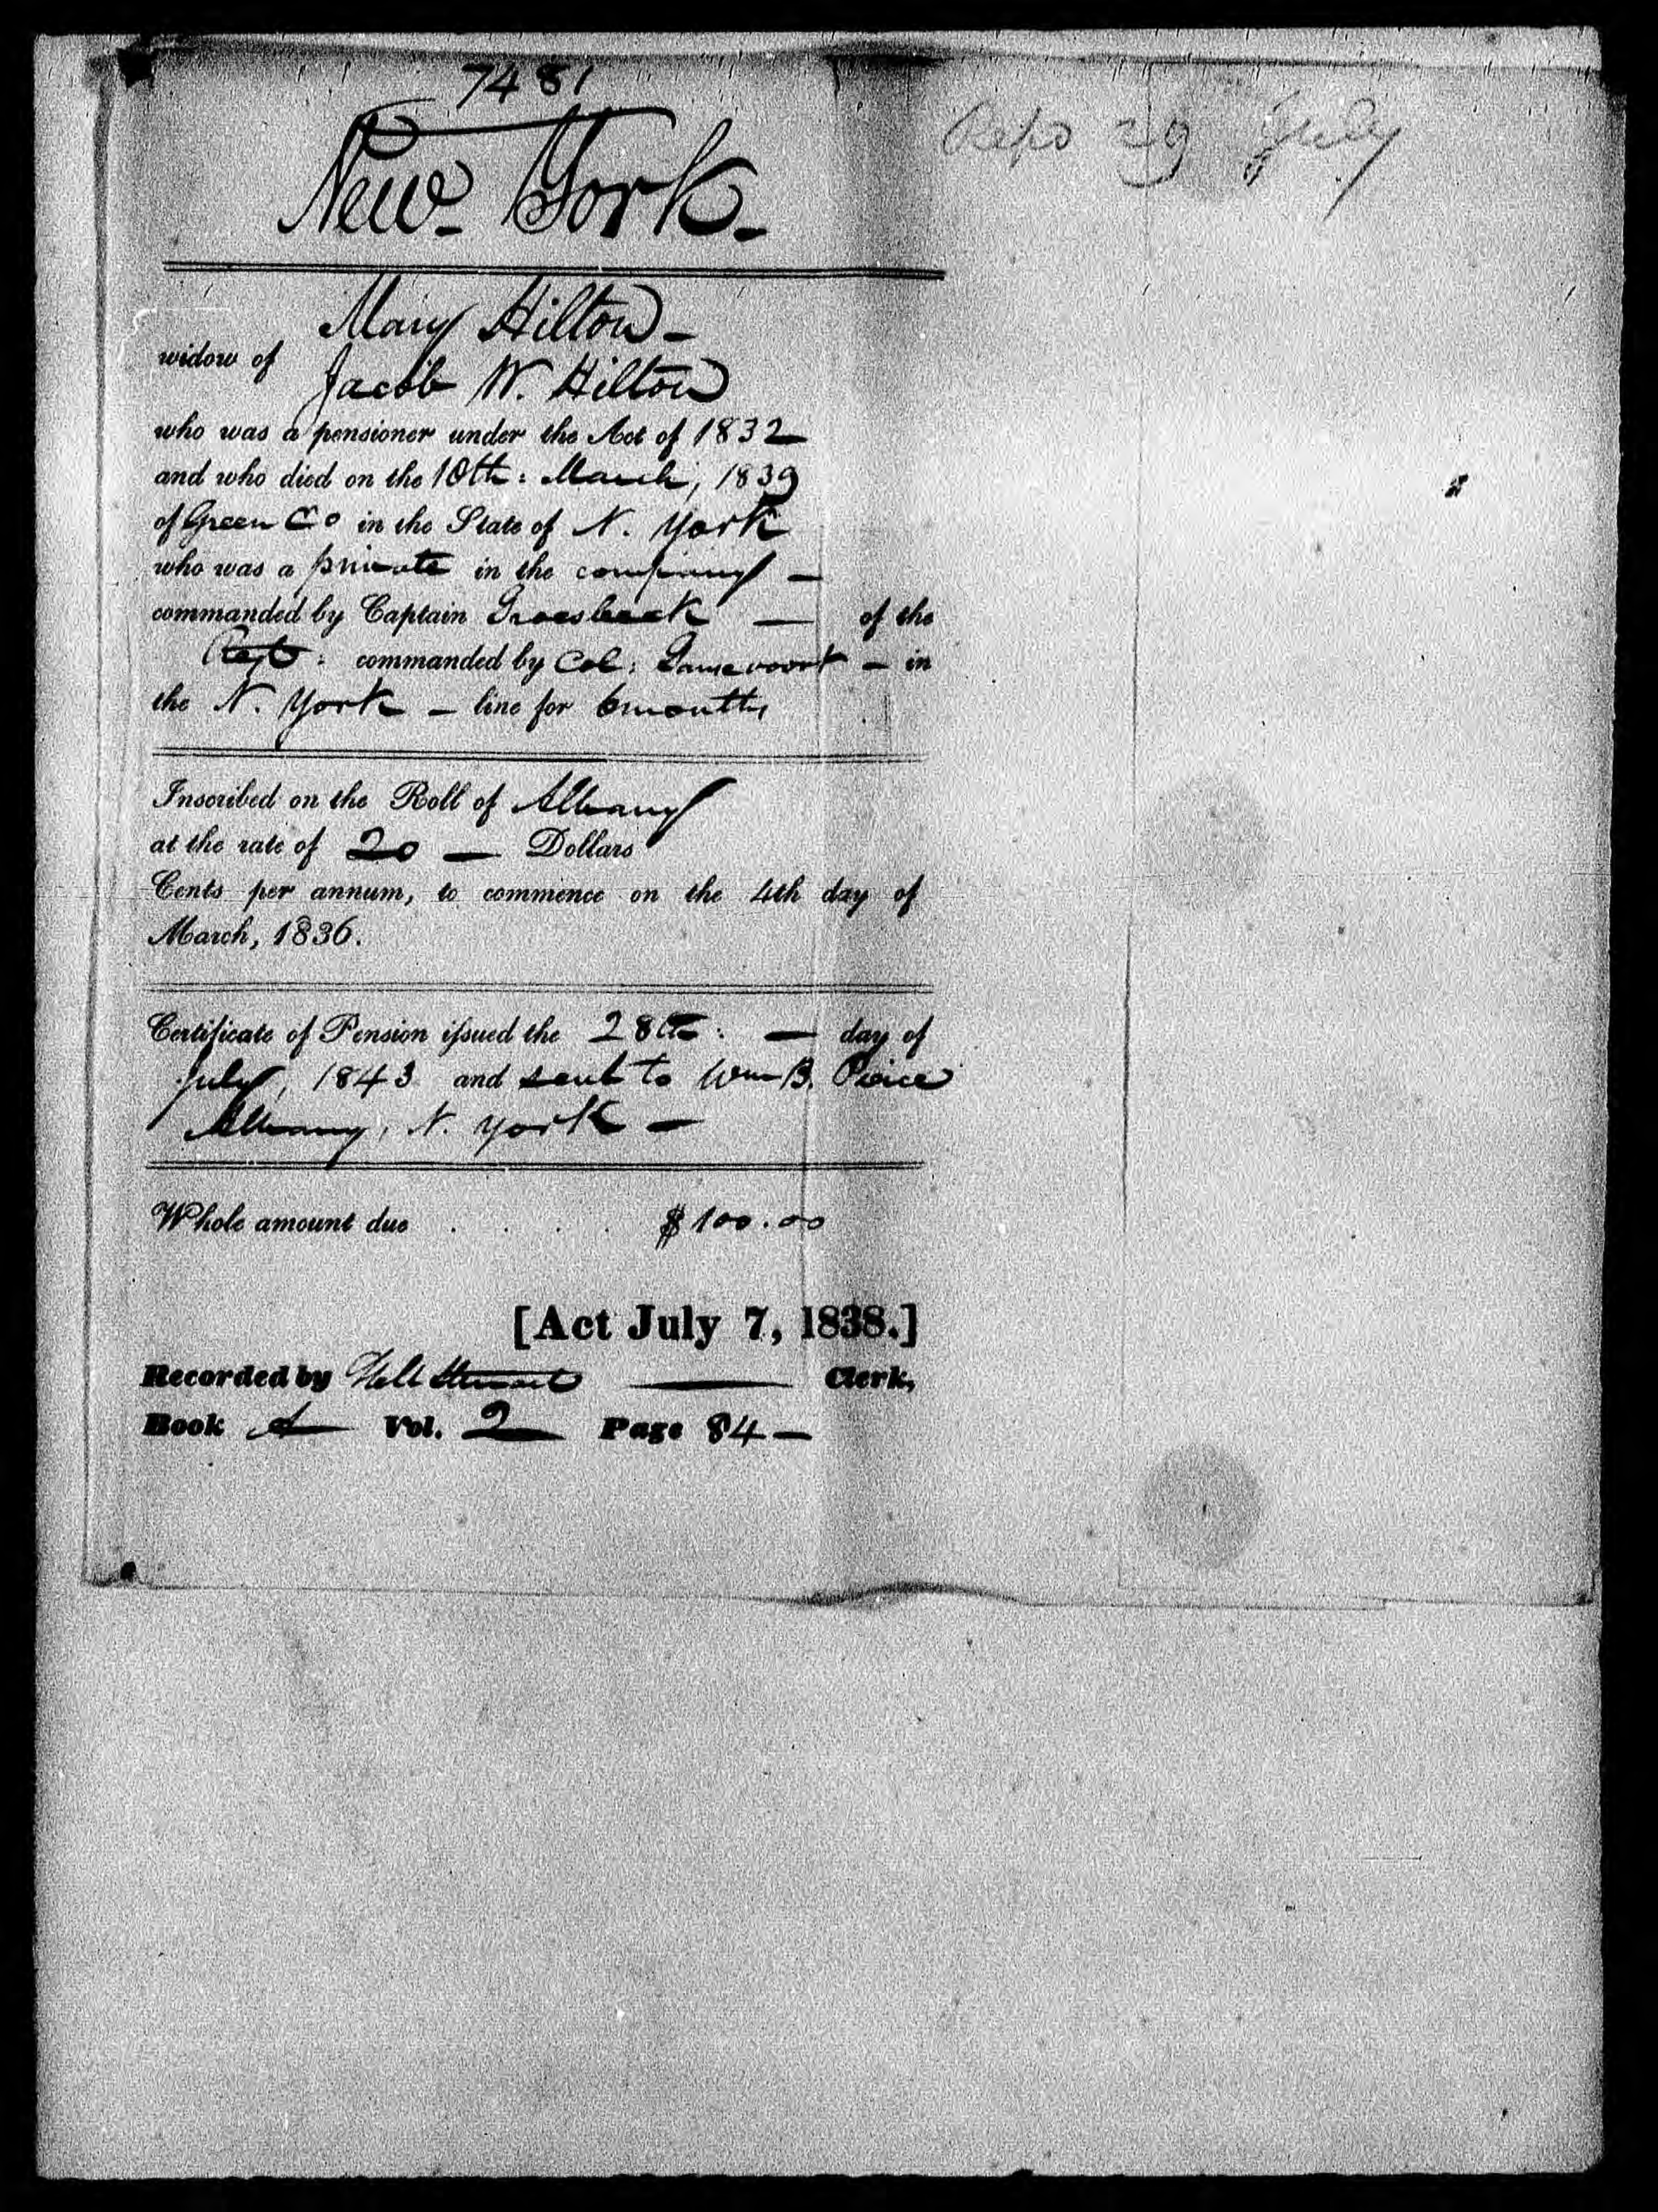7481
New York

Mary Hilton
widow of Jacob Hilton
who was a pensioner under the Act of 1832
and who died on the 10th, March 1839
of Green Co. in the State of N. York
who was a private in the company
commanded by Captain Groesbeck of the
     commanded by Col. Gansevoort in
the N. York line for 6 months.

Inscribed on the Roll of Albany
at the rate of 20-- dollars
Cents per annum, to commence on the 4th day of March 1836.

Certificate of Pension issued the 28th day of
July 1843 and send to Wm. B. Pierce
Albany, New York


Whole amount due... $100.00

[Act July 7, 1838.]
Recorded by Wm Stewart --- Clerk,
Book A Vol. 2 Page 84-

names: Mary Hilton, Groesbeck, W M Stewart, Gansevoort, Wm B Pierce, Jacob W Hilton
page: 33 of 48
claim: widow's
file: W. 19788, Jacob W Hilton, New York